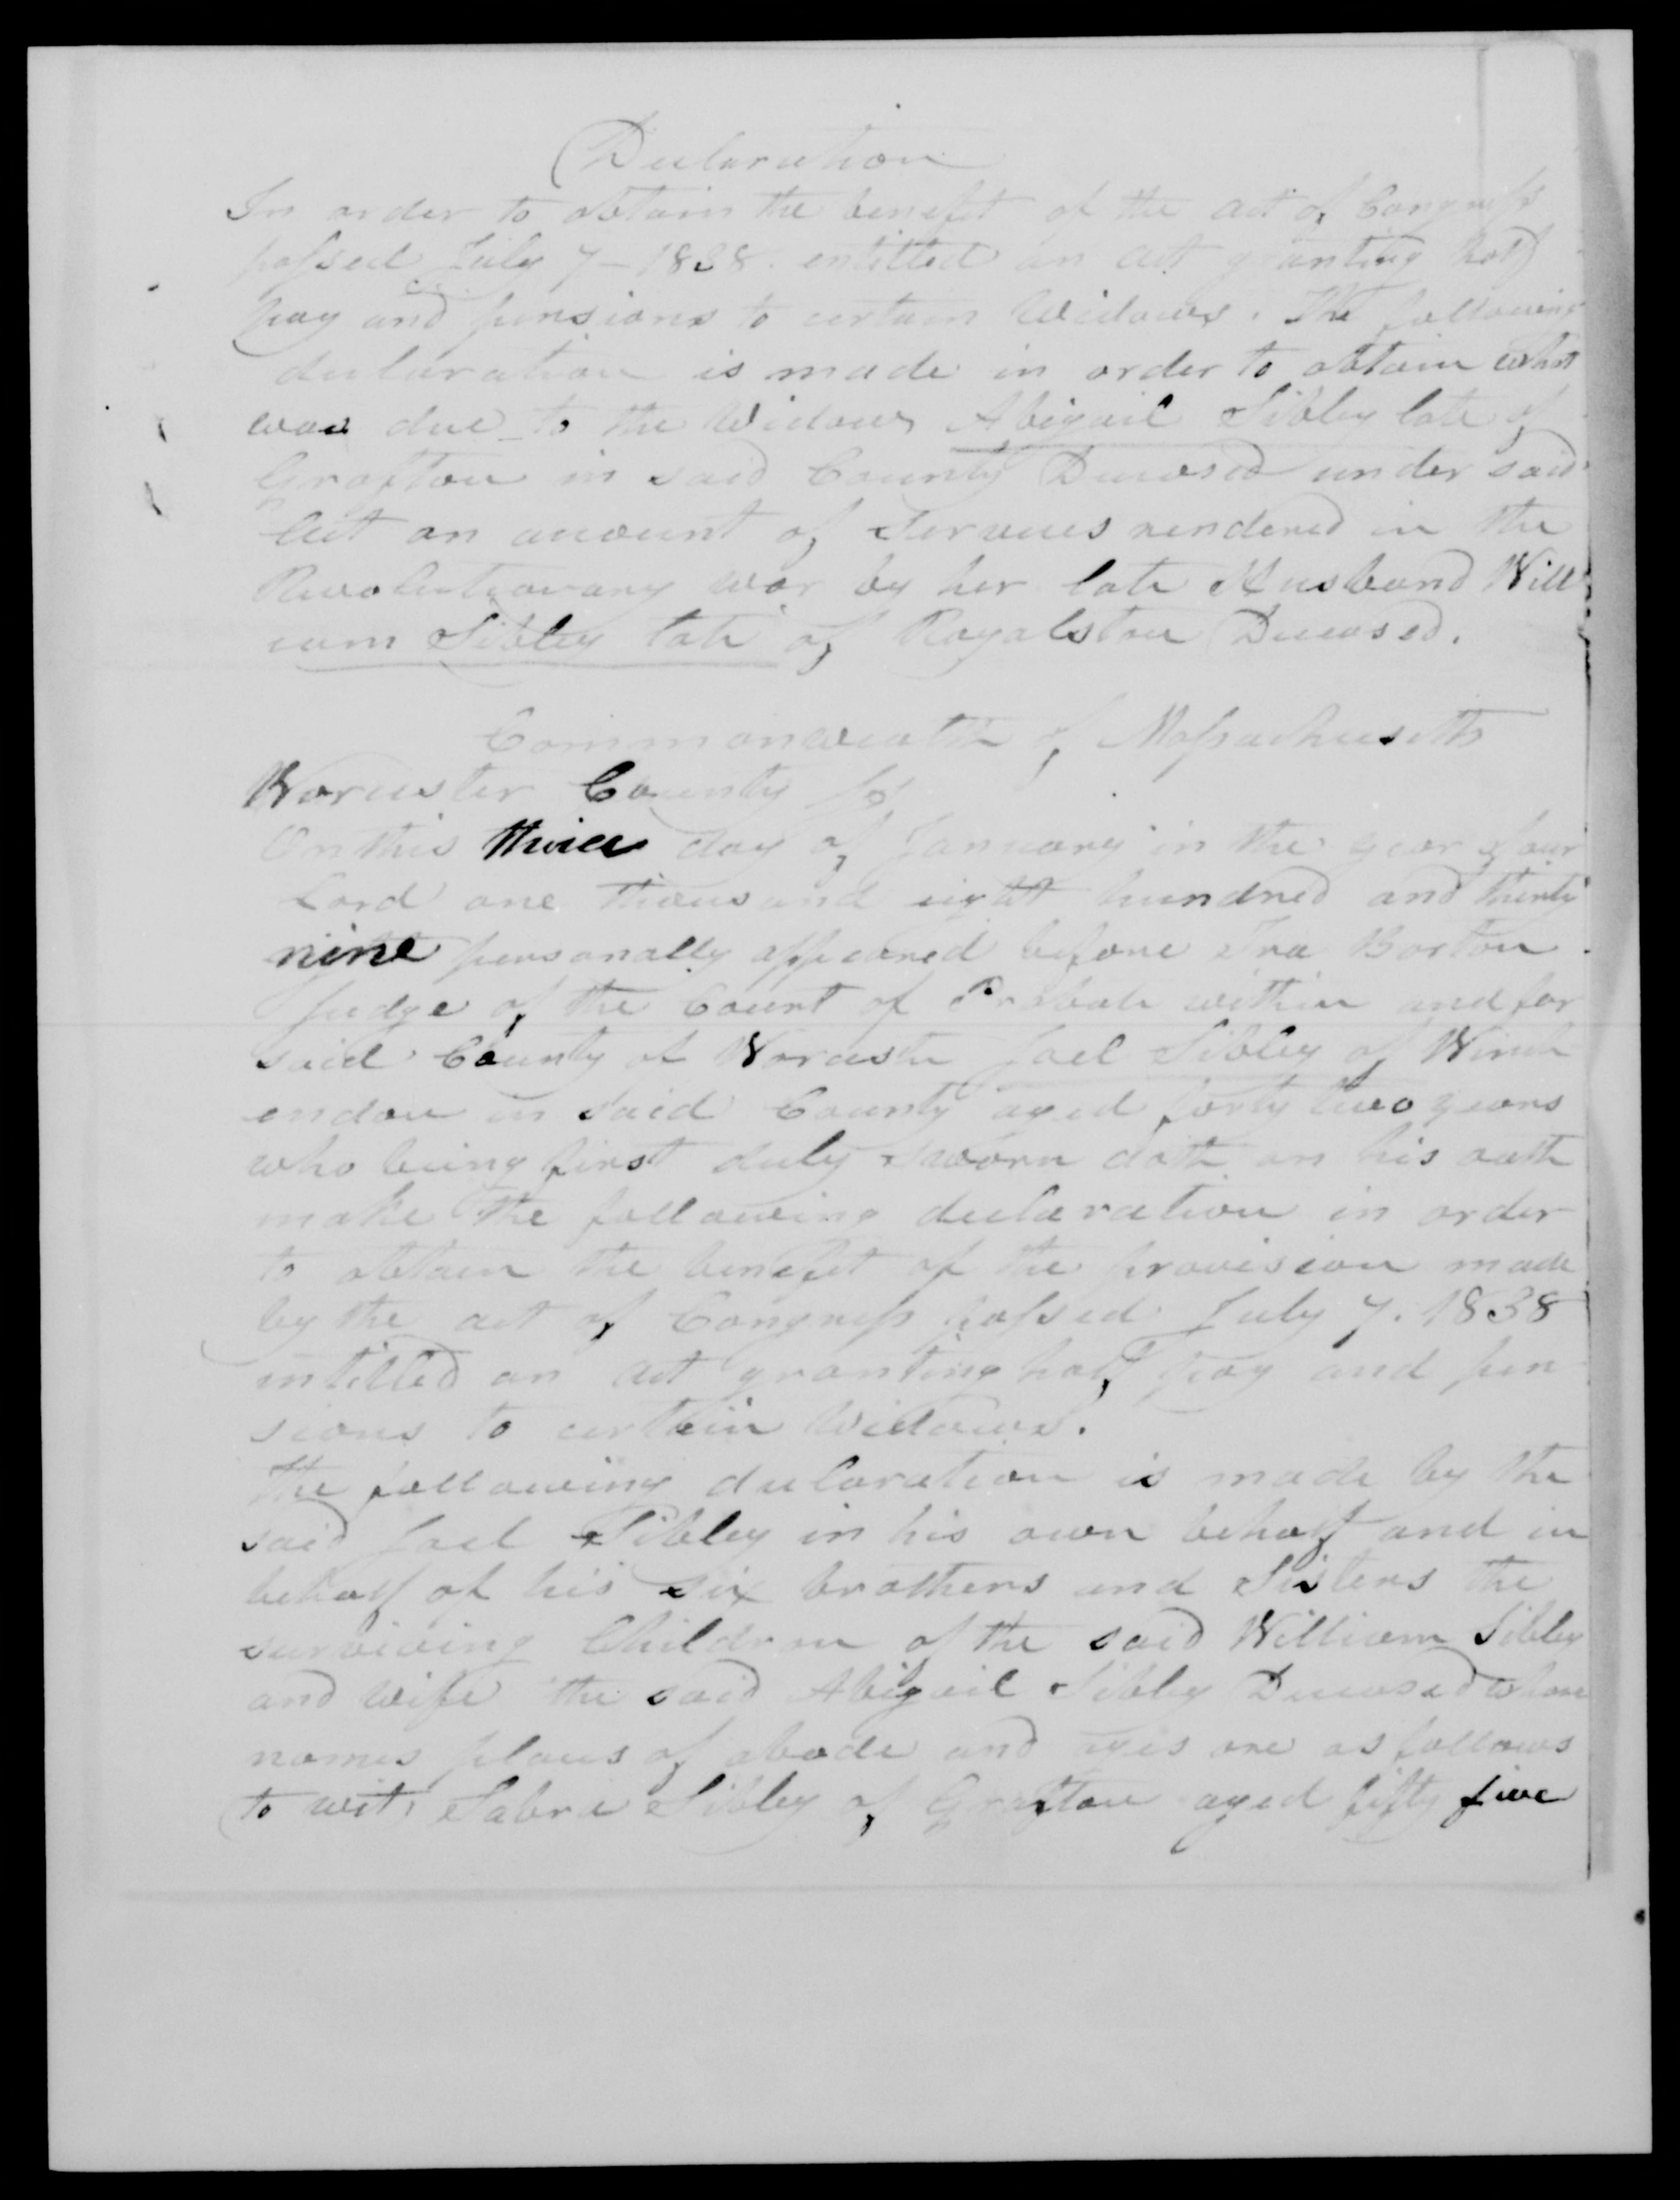Declaration
In order to obtain the benefit of the act of Congress passed July 7, 1838 entitled an act of [illegible] that [illegible] and to contain Widows. The following declaration is made in order to obtain what was due to the Widow, Abigail Sibley late of Grafton in said County Deceased under said act an account of services rendered in the Revolutionary War by her late husband William of the late Royalston Deceased.
Commonwealth of Massachusetts Worcester County SS.  on this third day of January in the year of our lord one thousand six hundred and twenty-nine personally appeared before Ira Barton Judge of the Court of Probate within and for said County of Worcester Joel Sibley of Winchendon in said County aged forty-two years who being first duly sworn doth in his oath make the following declaration in order to obtain the benefit of the provision made by the act of Congress passed July 7, 1838 entitled an act granting that [illegible] and pensions to contain Widows!
The following declaration is made by the said Joel Sibley in his own behalf and in behalf of his six brothers and sisters the surviving children if the said William Sibley and wife the said Abigail Sibley deceased whose names places of abode and ages are as follows to wit, Sabra Sibley of Grafton aged fifty-five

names: Joel Sibley; William Sibley; Sabra Sibley; Joel Sibley; Abigail Sibley; William Sibley; Abigail Sibley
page: 5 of 24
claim: widow's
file: W. 15,338, for William Sibley, Massachusetts